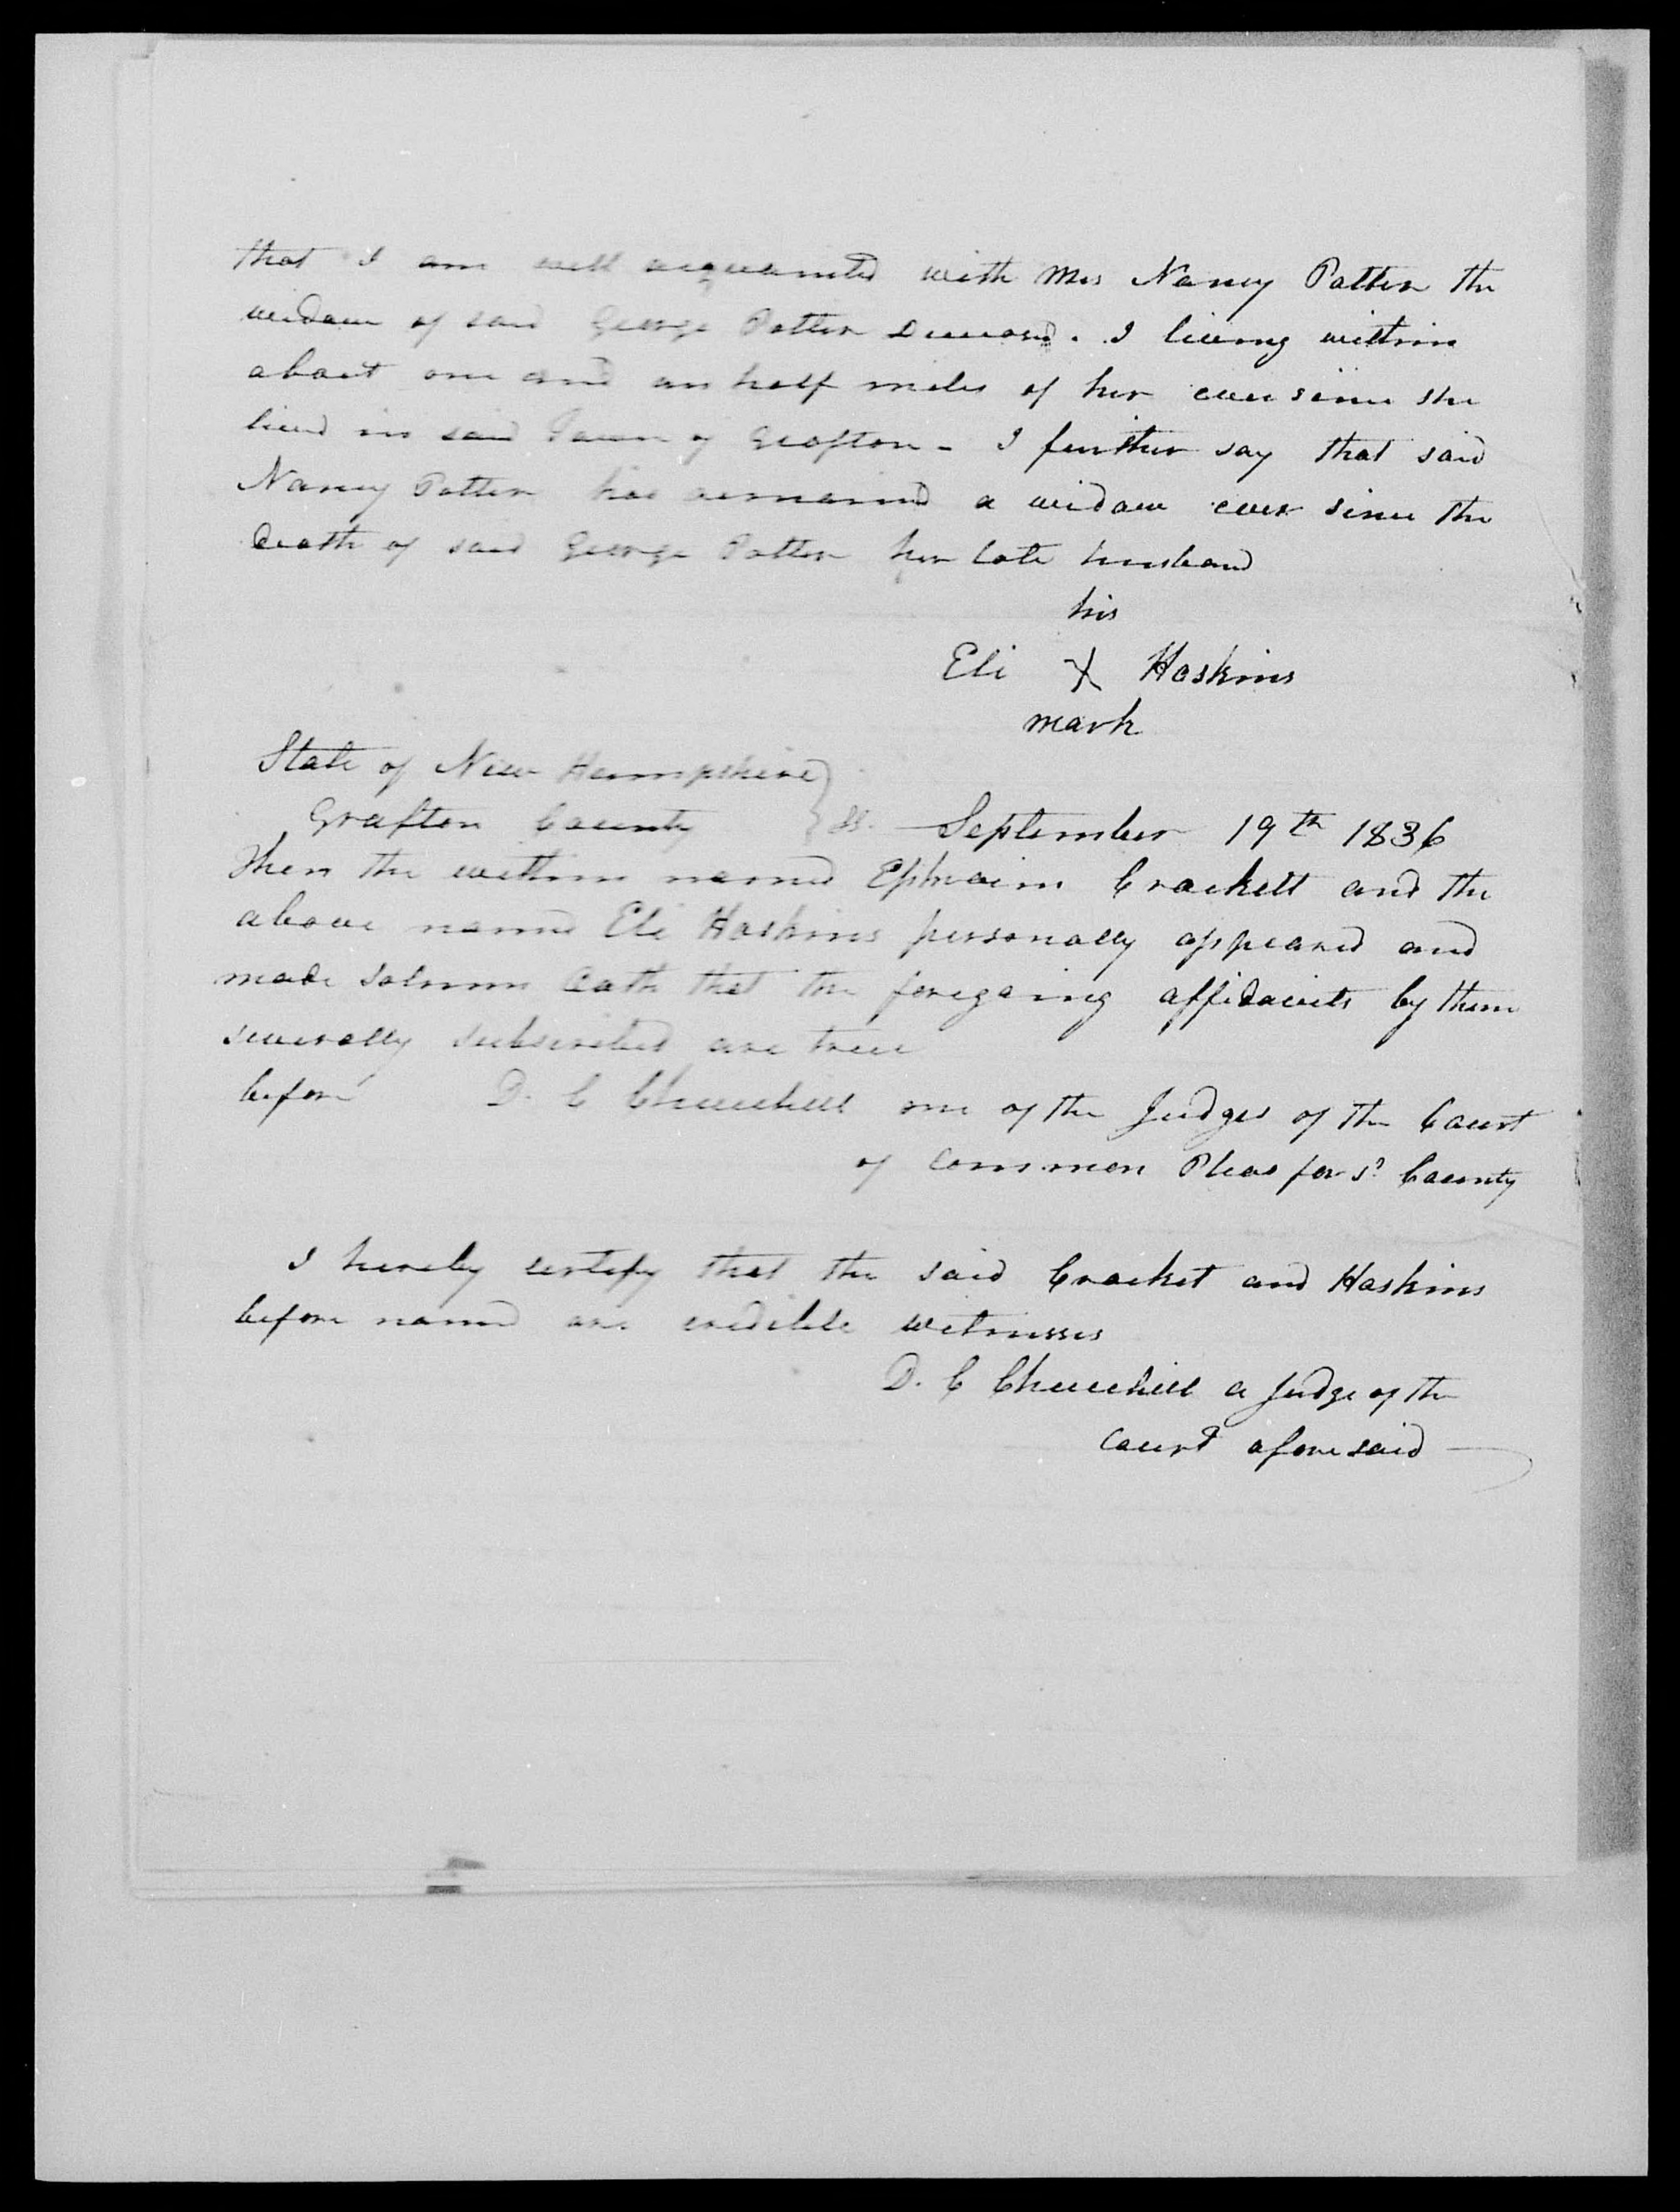that I am well acquainted with Mrs. Nancy Potter the widow of said George Potter deceased.  I living within about one and a half miles of her area since she lived in said Town of Grafton  I further that said Nancy Potter has remained a widow ever since the death of said George Potter, her late husband.

                                                                               his
                                                                       Eli     X    Hoskins
                                                                             mark


State of New Hampshire  }
Grafton County                } ss          September 19th 1836

The the witness named Ephraim Crockett and the above named Eli Haskins personally appeared and made solemn oath that the foregoing affidavit by them severally subscribed are true before

D C Churchill one of the Judges of the Court of Common Pleas for ? County

I hereby certify that the said Crockett and Haskins before named are credible witnesses

                                                                  D. C Churchill a Judge of the Court aforesaid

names: Nancy Potter; Ephraim Crockett; Eli Haskins; D C Churchill; George Potter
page: 7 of 40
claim: widow's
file: W. 16058, for George Potter, Rhode Island